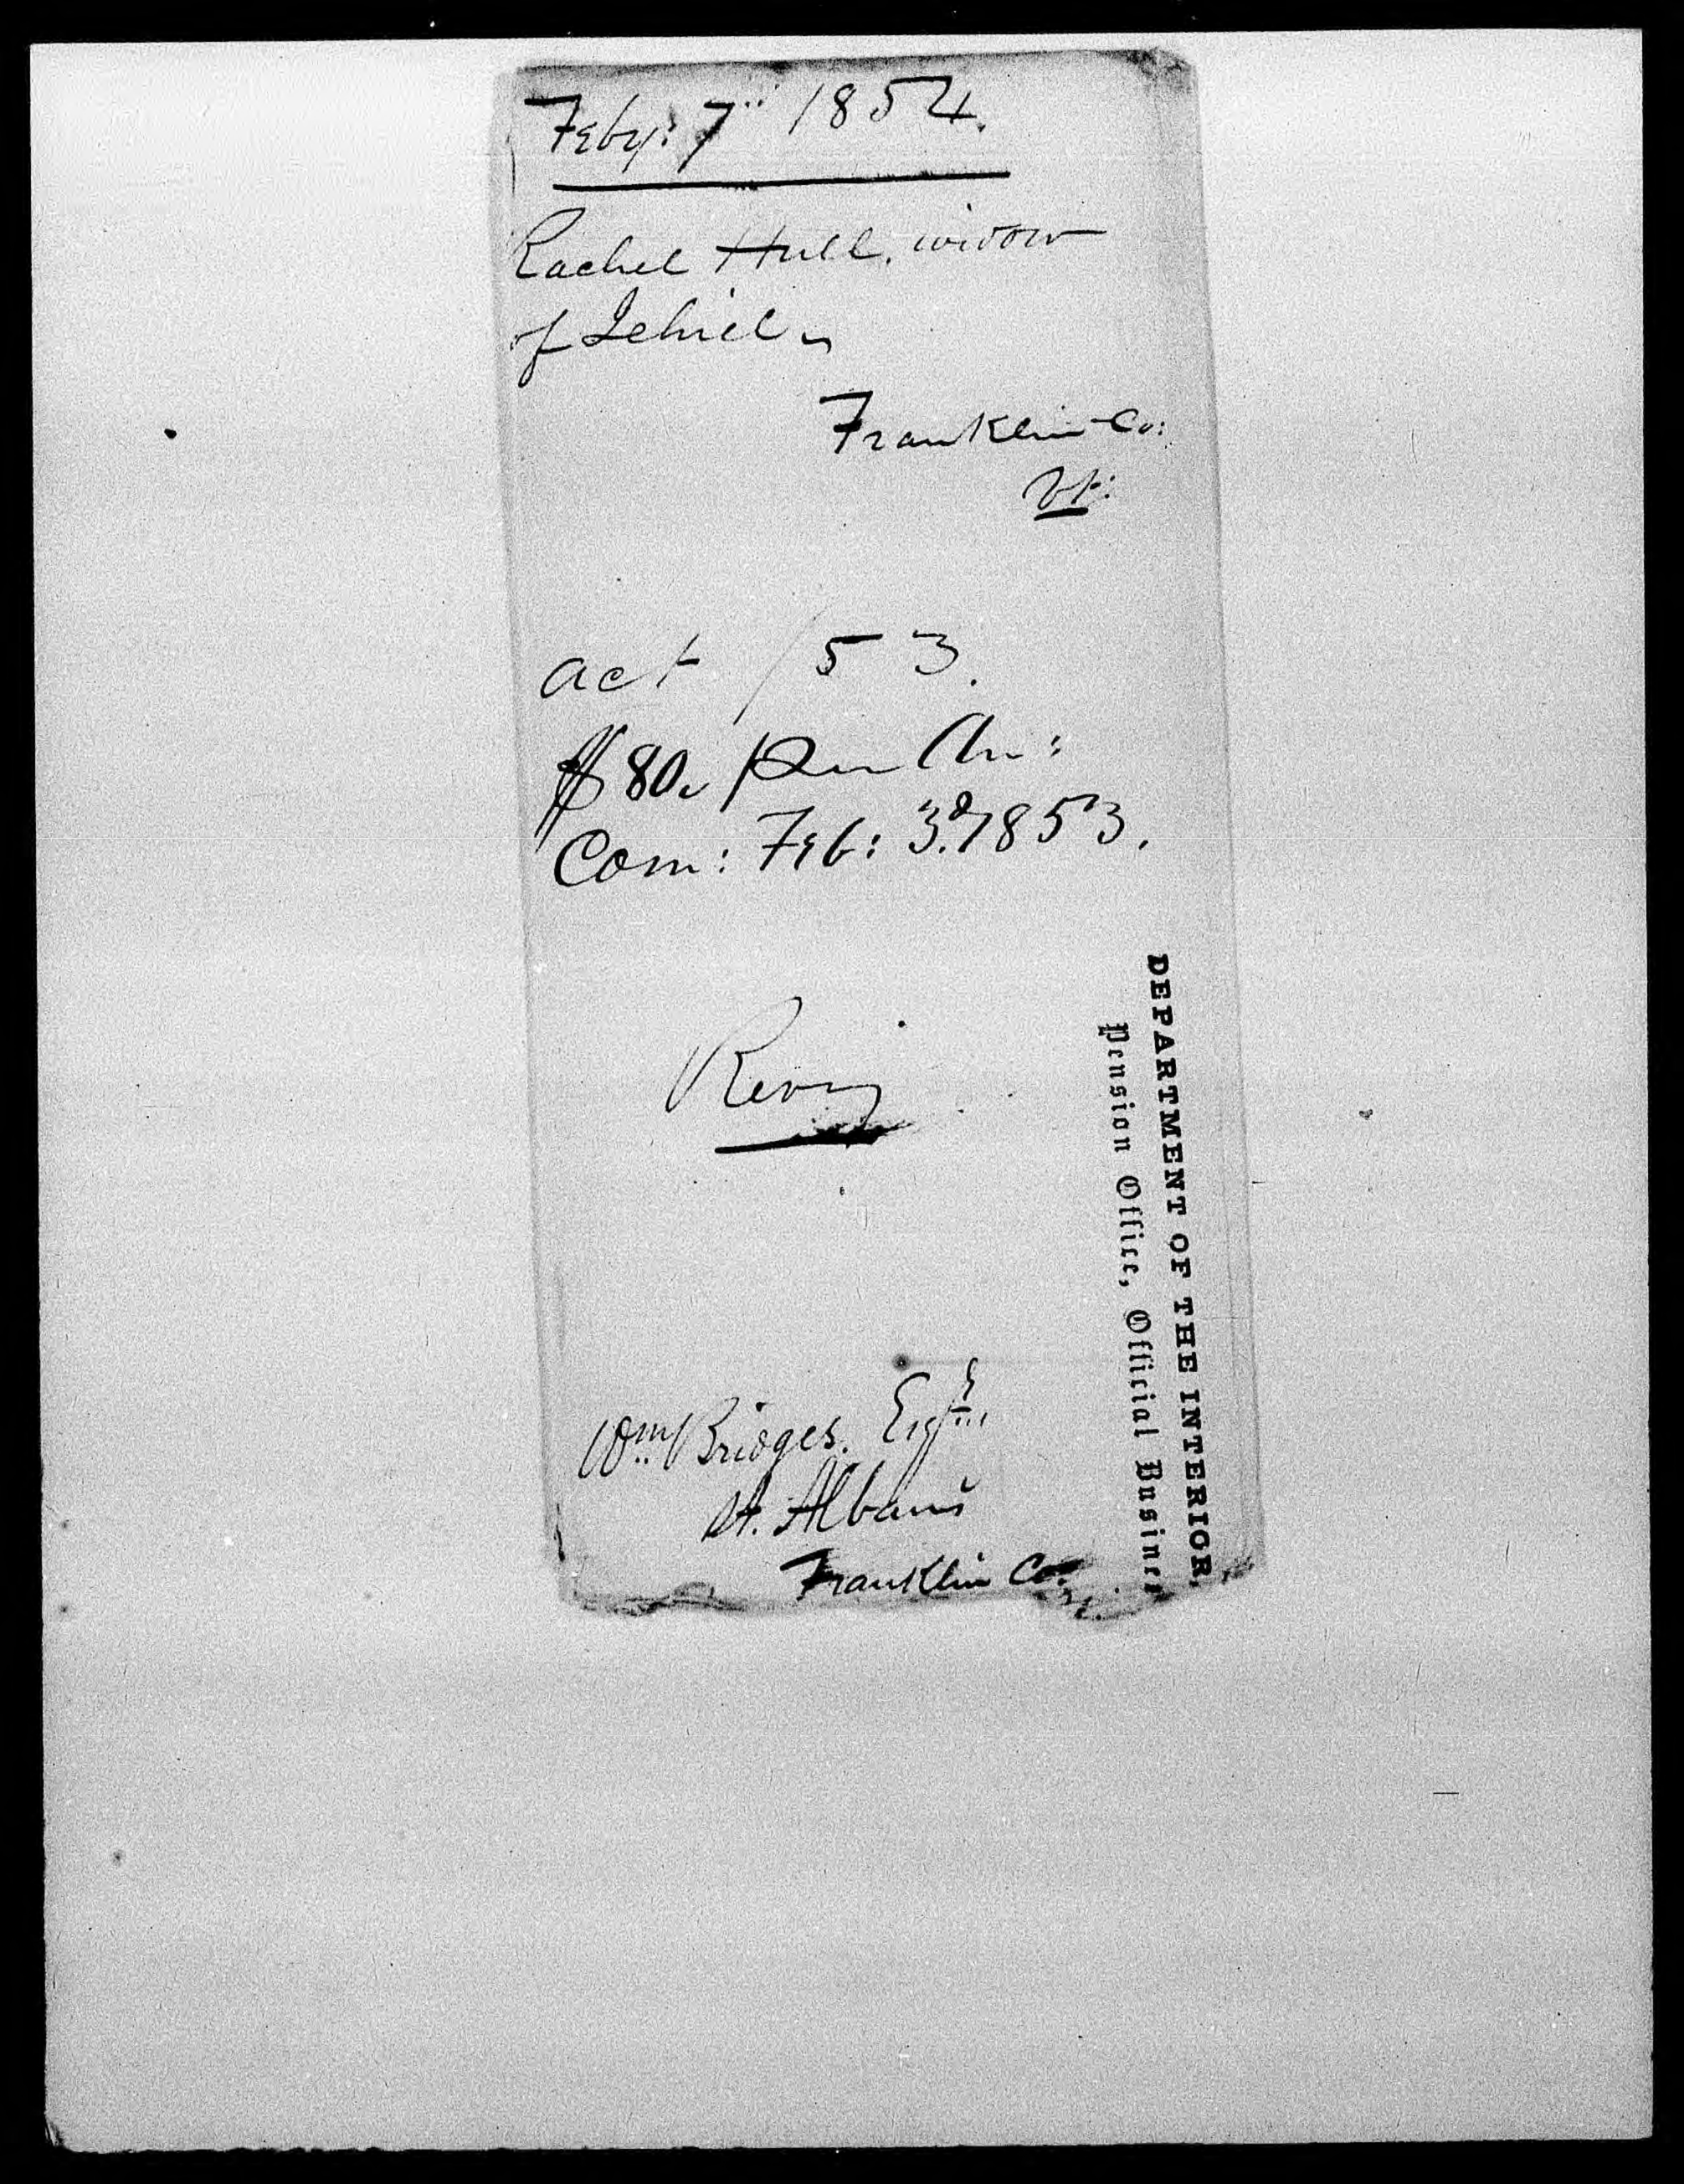Feburary 7, 1854

Rachel Hill, Widow of Lehric ~

[Unsure] Co.

[signature]

Account 53

$80 Pension

com: Fig : 37853

[Unsure]

[Unsure] Bridges [Unsure]

A. Abrams

[Unsure]

(Letter head)
DEPARTMENT OF THE INTERIOR
PENSION OFFICE, OFFICIAL bUSINESS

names: Wm Bridges, Jehiel Hull, Rachel Hull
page: 31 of 58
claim: widow's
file: W. 25813, Jehiel Hull, Conn.